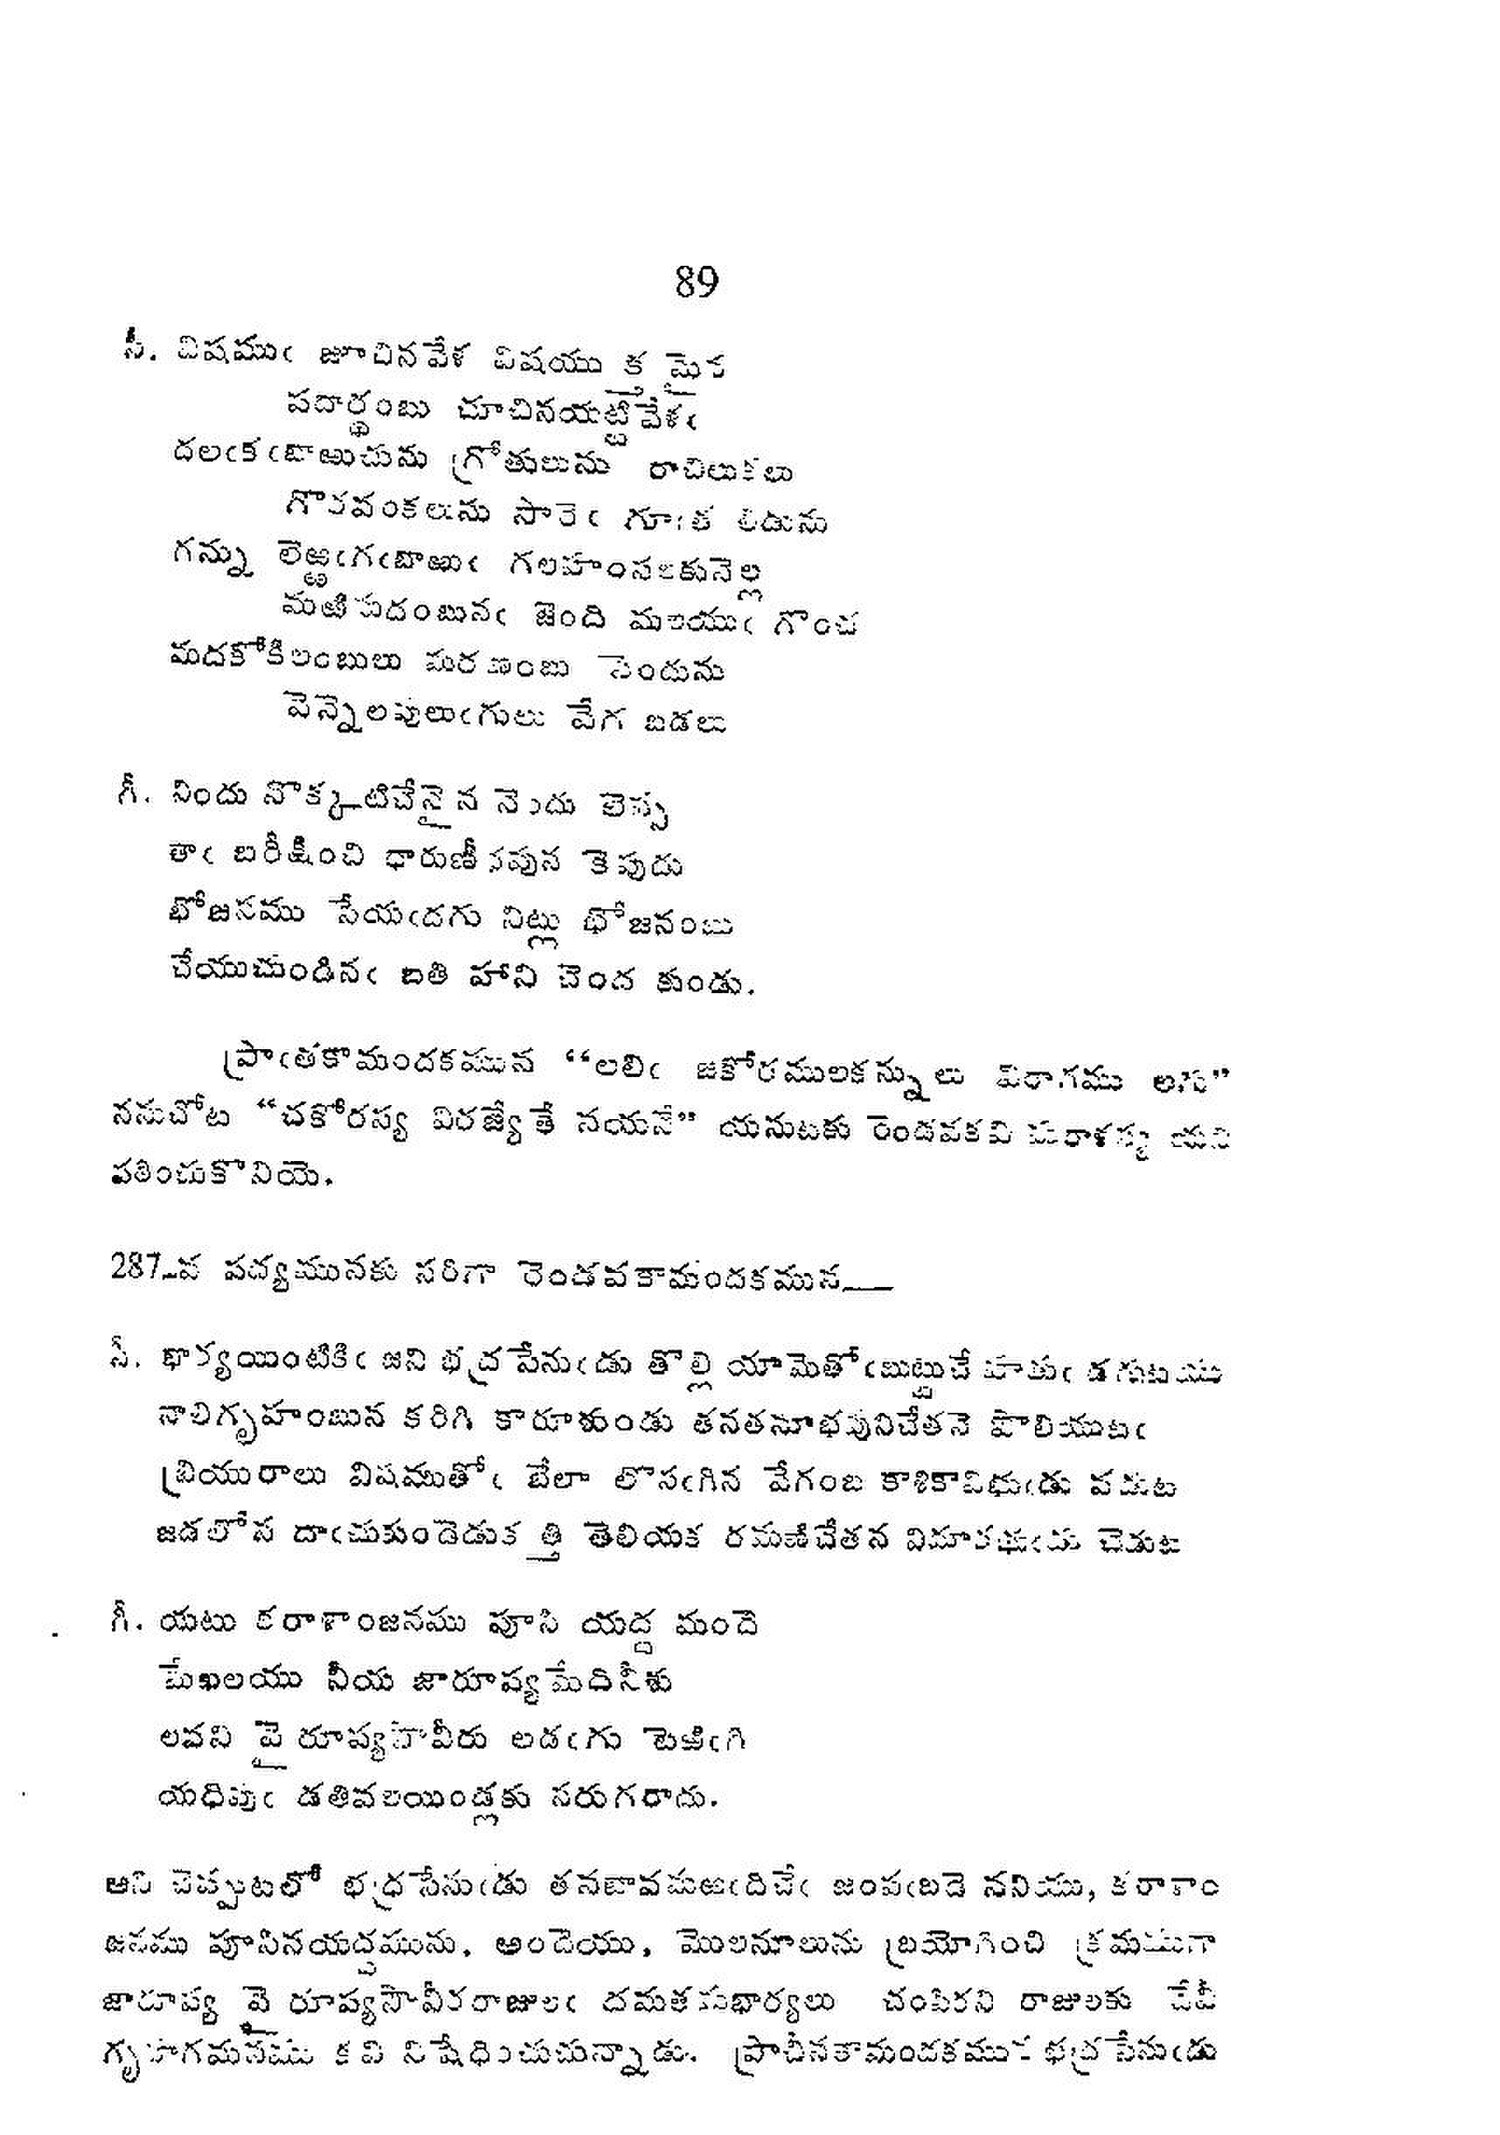ప్రాఁతకామందకమున "లలిఁ జకోరములకన్నులు విరాగము లగు" ననుచోట “చకోరస్య విరజ్యేతే నయనే" యనుటకు రెండవకవి మరాళస్య యని పఠించుకొనియె.

287వ పద్యమునకు సరిగా రెండవకామందకమున—
 
 
అని చెప్పుటలో భద్రసేనుఁడు తనబావమఱఁదిచేఁ జంపఁబడె ననియు, కరాళాంజనము పూసిన యద్దమును, అందెయు, మొలనూలును బ్రయోగించి క్రమముగా జారూప్య వైరూప్య సౌవీరరాజులఁ దమతమభార్యలు చంపిరని రాజులకు దేవీగృహగమనము కవి నిషేధించుచున్నాడు. ప్రాచీనకామందకమున భద్రసేనుఁడు